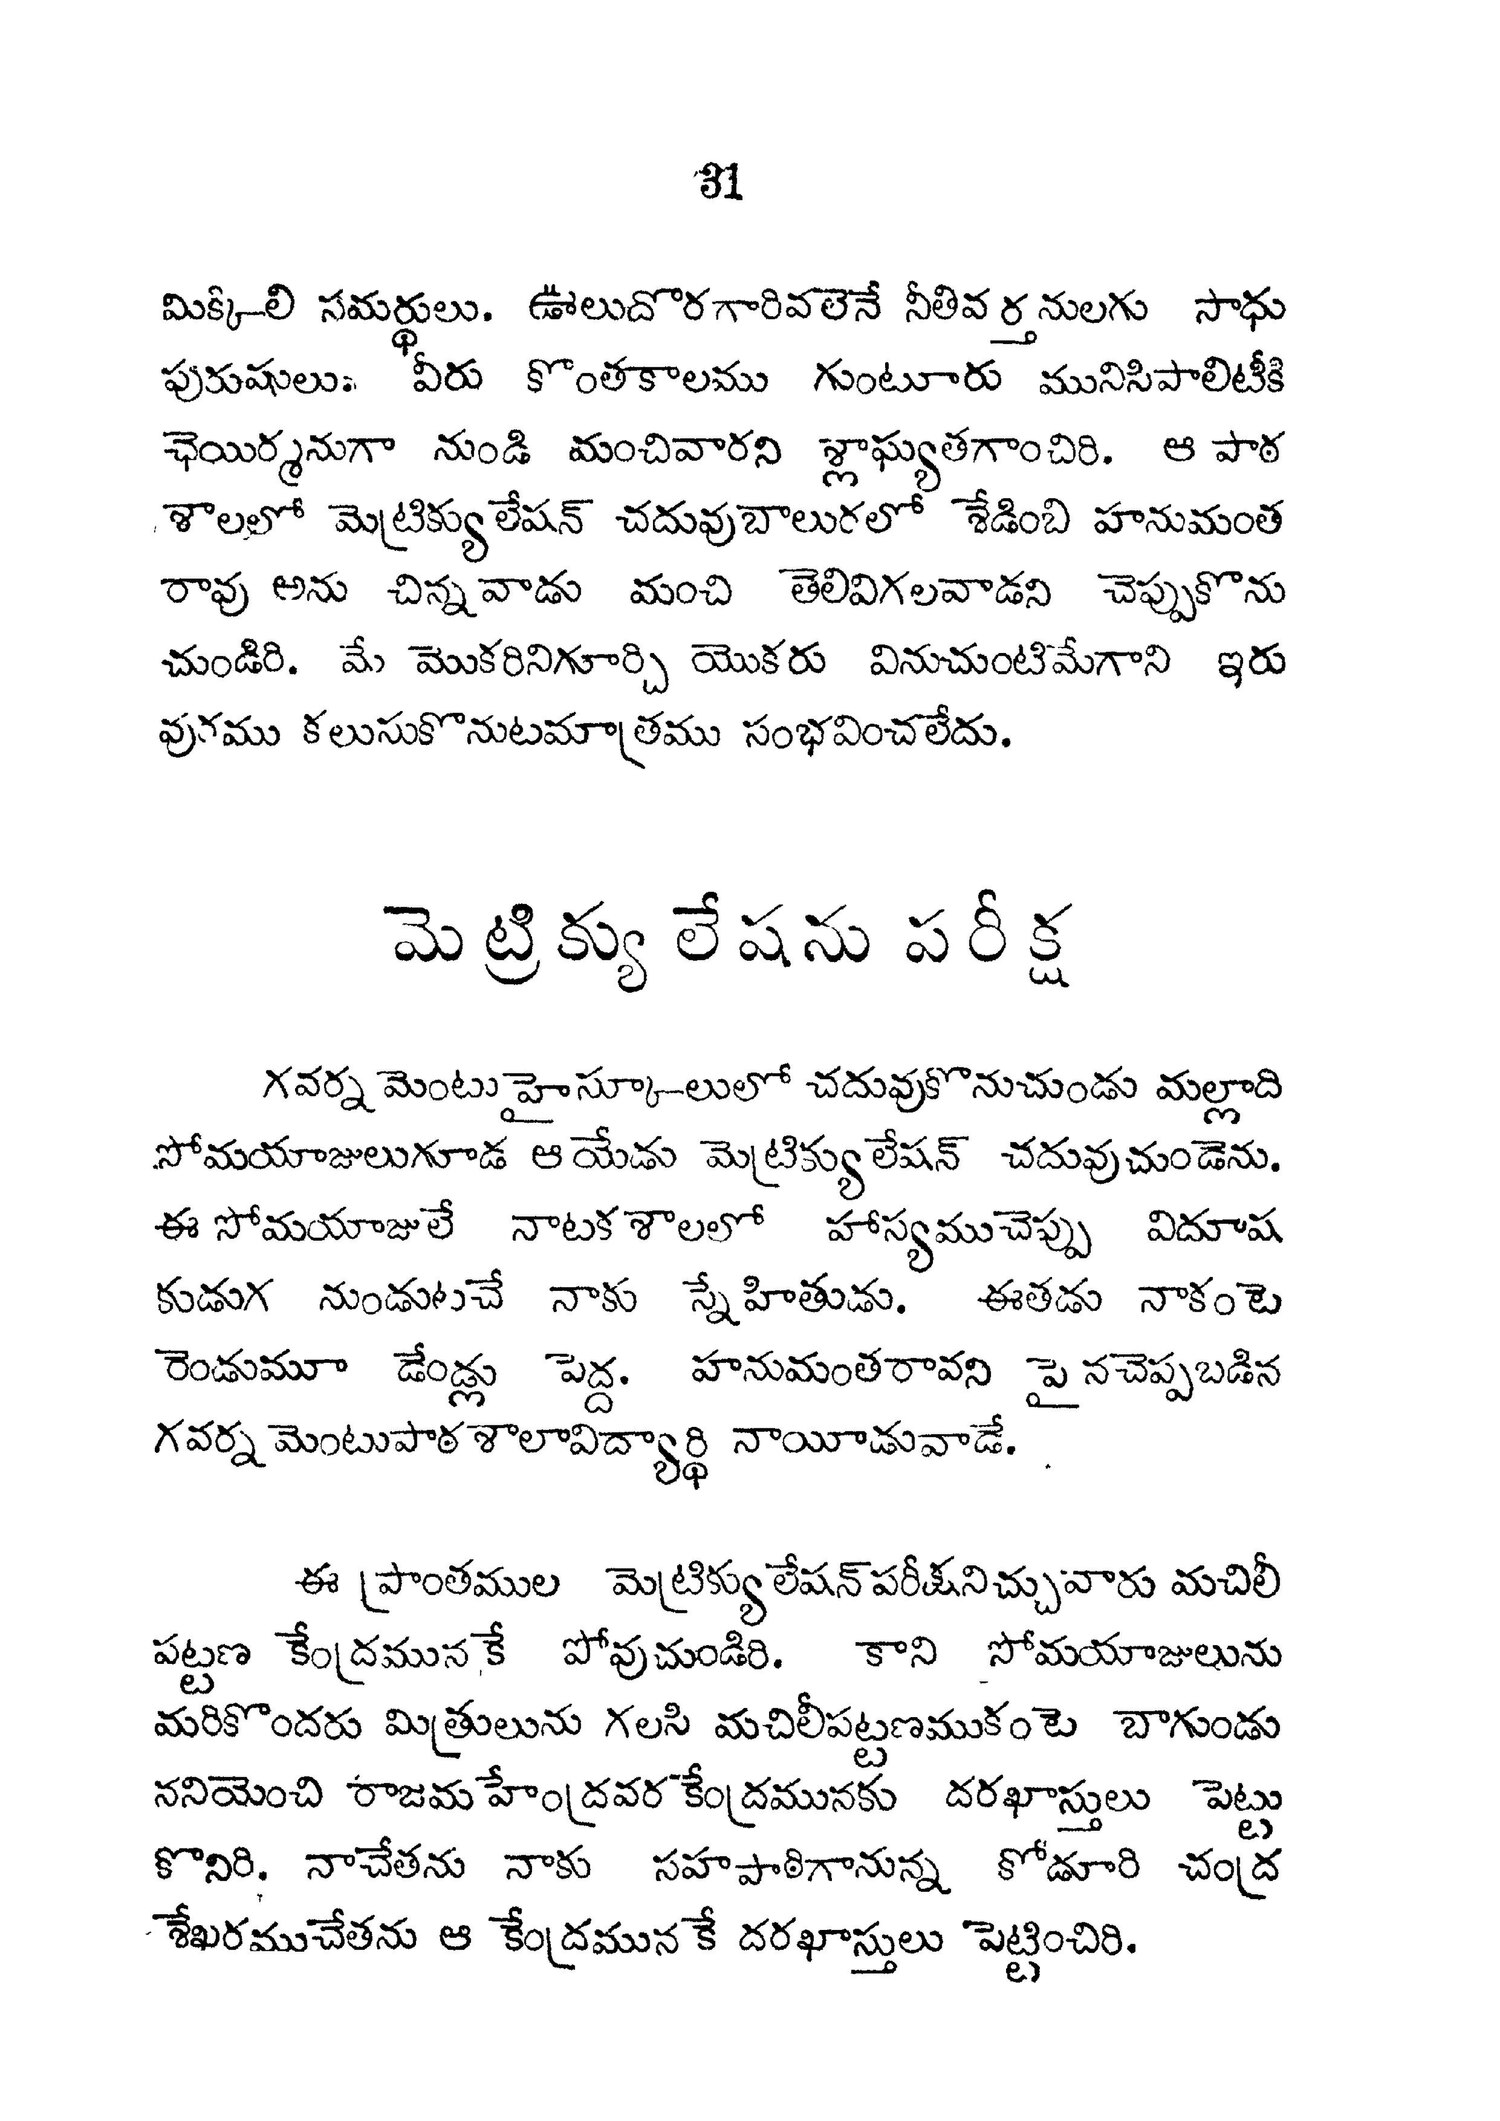మిక్కిలి సమర్థులు. ఊలుదొరగారివలెనే నీతివర్తనులగు సాధుపురుషులు. వీరు కొంతకాలము గుంటూరు మునిసిపాలిటీకి ఛెయిర్మనుగా నుండి మంచివారని శ్లాఘ్యతగాంచిరి. ఆ పాఠశాలలో మెట్రిక్యులేషన్ చదువుబాలురలో శేడింబి హనుమంతరావు అను చిన్నవాడు మంచి తెలివిగలవాడని చెప్పుకొనుచుండిరి. మే మొకరినిగూర్చి యొకరు వినుచుంటిమేగాని ఇరువురము కలుసుకొనుటమాత్రము సంభవించలేదు.

గవర్నమెంటుహైస్కూలులో చదువుకొనుచుండు మల్లాది సోమయాజులుగూడ ఆయేడు మెట్రిక్యులేషన్ చదువుచుండెను. ఈ సోమయాజులే నాటకశాలలో హాస్యముచెప్పు విదూషకుడుగ నుండుటచే నాకు స్నేహితుడు. ఈతడు నాకంటె రెండుమూ డేండ్లు పెద్ద. హనుమంతురావని పైనచెప్పబడిన గవర్నమెంటుపాఠశాలావిద్యార్థి నాయీడువాడే.

ఈ ప్రాంతముల మెట్రిక్యులేషన్‌పరీక్షనిచ్చువారు మచిలీపట్టణ కేంద్రమునకే పోవుచుండిరి. కాని సోమయాజులును మరికొందరు మిత్రులును గలసి మచిలీపట్టణముకంటె బాగుండుననియెంచి రాజమహేంద్రవరకేంద్రమునకు దరఖాస్తులు పెట్టుకొనిరి. నాచేతను నాకు సహపాఠిగానున్న కోడూరి చంద్రశేఖరముచేతను ఆ కేంద్రమునకే దరఖాస్తులు పెట్టించిరి.